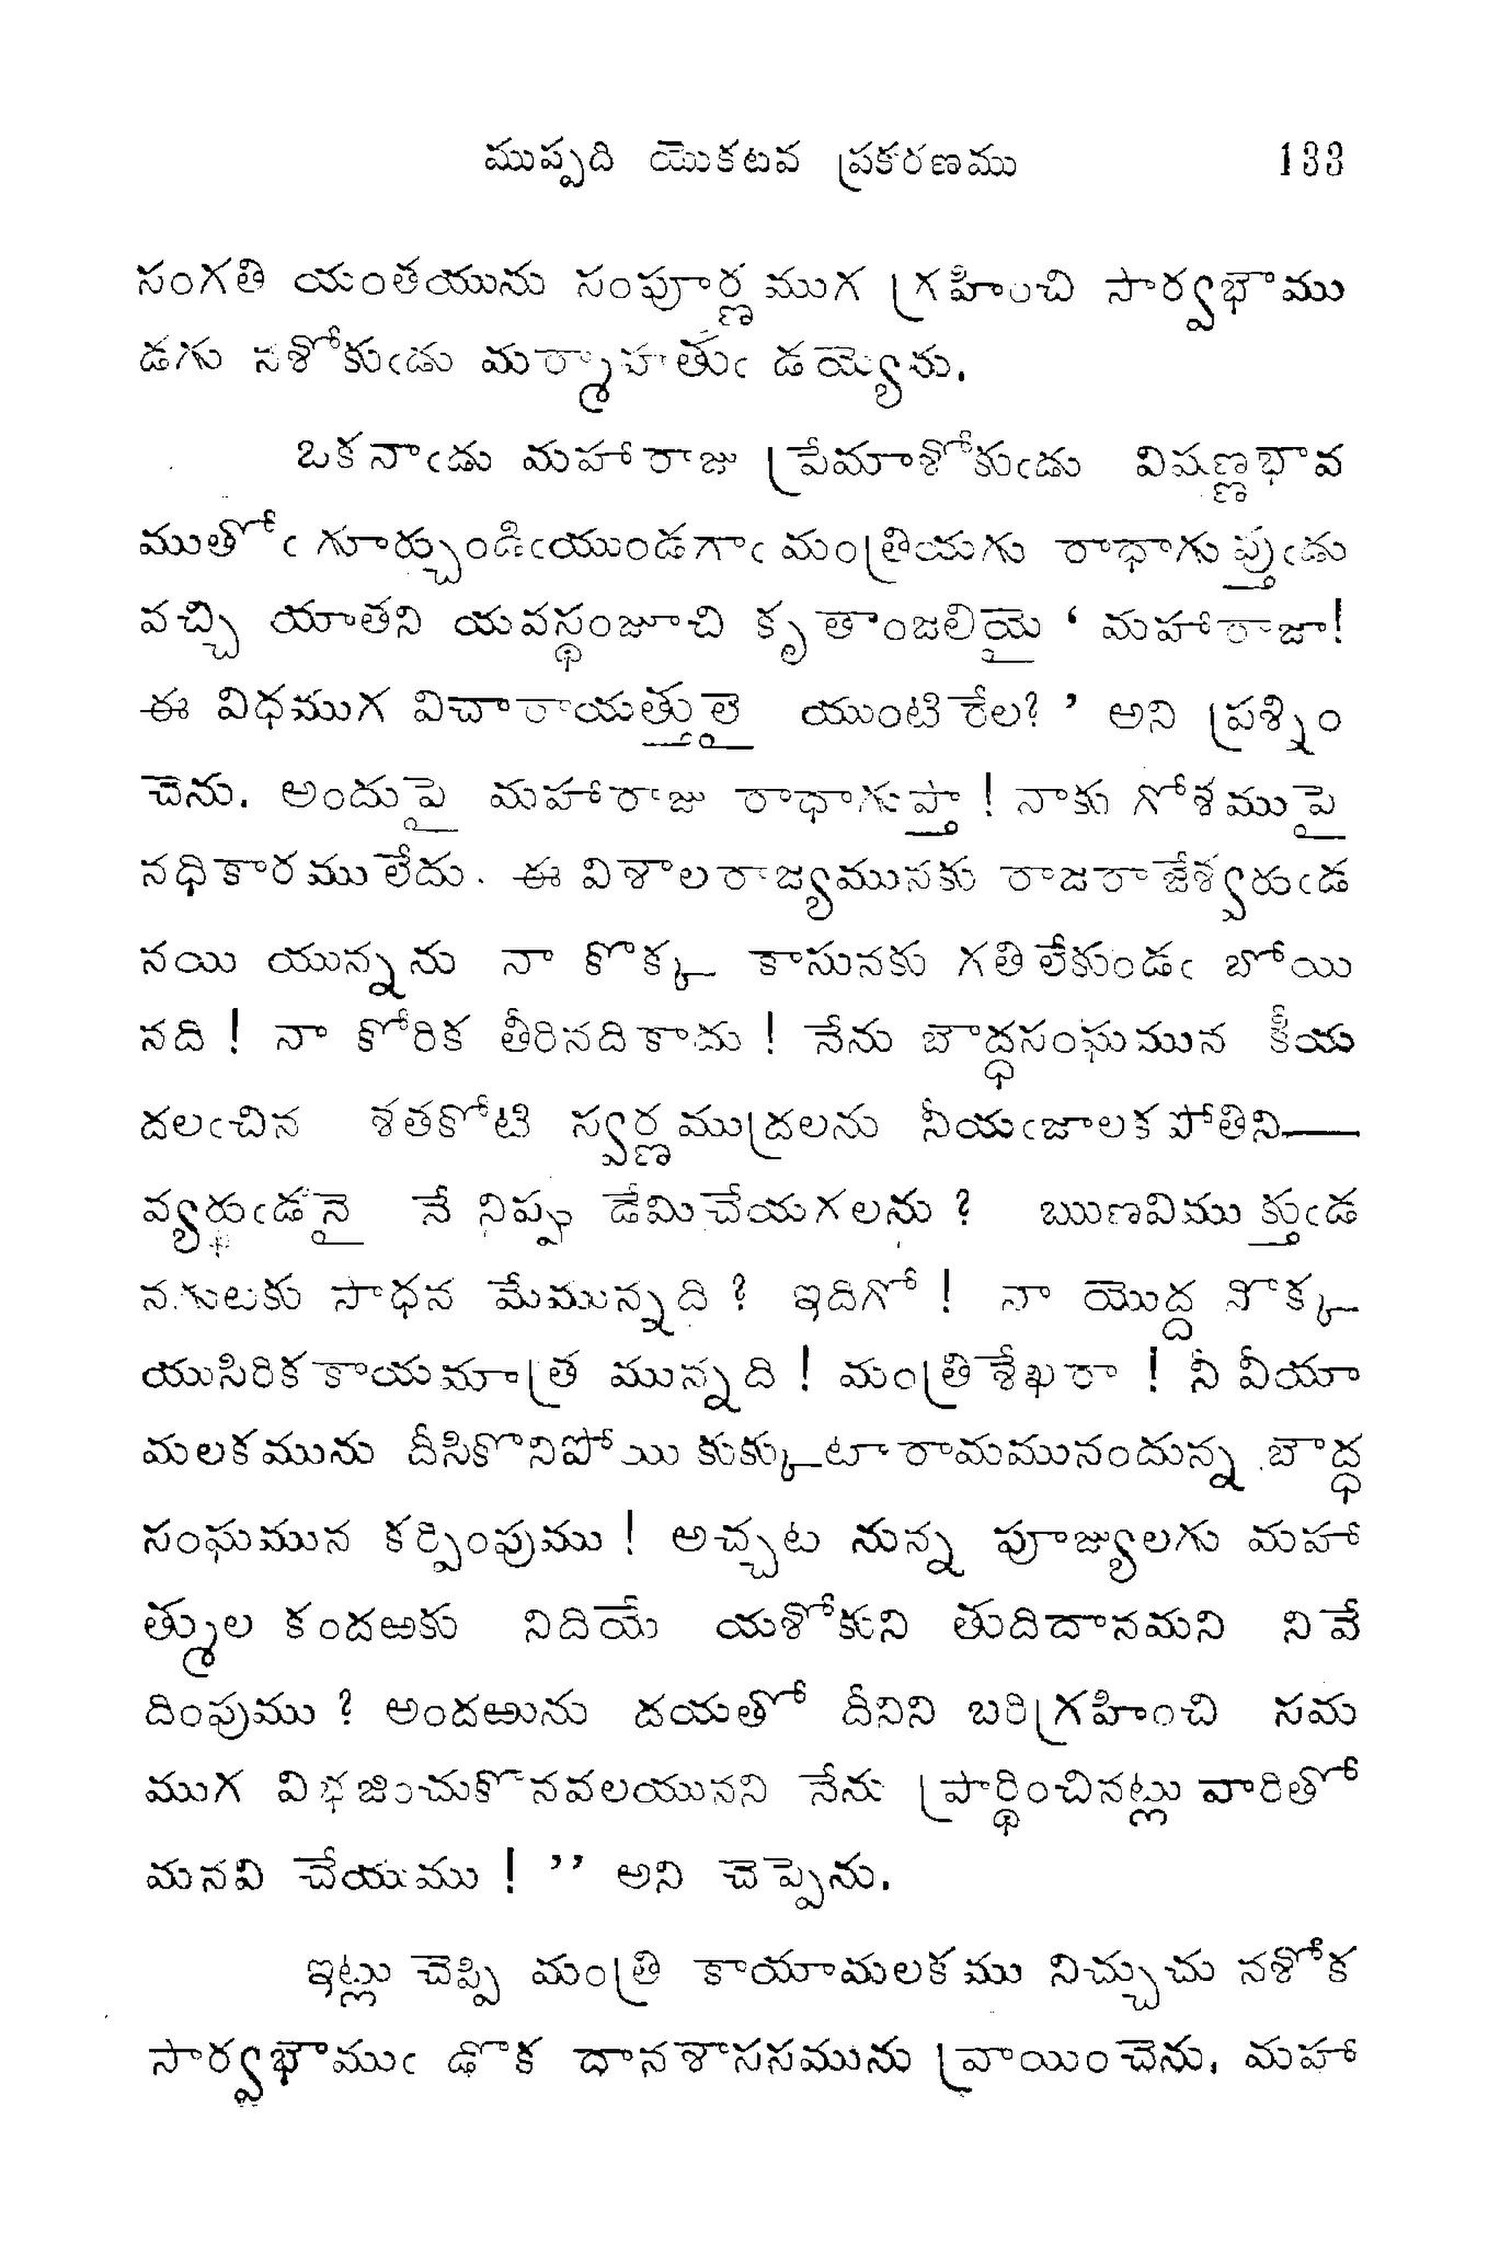సంగతి యంతయును సంపూర్ణముగ గ్రహించి సార్వభౌముడగు నశోకుఁడు మర్మాహుతుఁ డయ్యెను.

ఒకనాఁడు మహా రాజు ప్రేమాశోకుఁడు విషణ్ణ భావముతోఁ గూర్చుండియుండగాఁ మంత్రియుగు రాధాగు ప్తుఁడు వచ్చి యాతని యవస్థంజూచి కృతాంజలియై 'మహారాజా! ఈ విధముగ విచారాయత్తులై యుంటి రేల? ' అని ప్రశ్నించెను. అందు పై మహారాజు రాధాగుప్తా ! నాకు గోశము పై నధికారము లేదు. ఈ విశాల రాజ్యమునకు రాజరాజేశ్వరుఁడనయి యున్నను నా కొక్క కాసునకు గతి లేకుండఁ బోయినది ! నా కోరిక తీరినది కాదు ! నేను బౌద్ధసంఘమున కీయ దలఁచిన

శతకోటి స్వర్ణముద్రలను నీయఁజాలక పోతిని——వ్యర్ధుఁడనై నే నిప్పు డేమి చేయగలను?
ఋణవిముక్తుఁడ నగులకు సాధన మేమున్నది? ఇదిగో ! నా యొద్ద నొక్క యుసిరిక కాయ మాత్ర మున్నది ! మంత్రి శేఖరా ! నీ వీయా మలకమును దీసికొనిపోయి కుక్కుటా రామమునందున్న బౌద్ధ సంఘమున కర్పింపుము ! అచ్చట నున్న పూజ్యులగు మహాత్ముల కందఱకు నిదియే యశోకుని తుది దానమని నివేదింపుము? అందఱును దయతో దీనిని బరిగ్రహించి సమముగ విభజించుకొనవలయునని నేను ప్రార్థించినట్లు వారితో మనవి చేయుము ! అని చెప్పెను.

ఇట్లు చెప్పి మంత్రి కాయామలకము నిచ్చుచు నశోక సార్వభౌముఁ డొక దాన శాససమును వ్రాయించెను. మహా